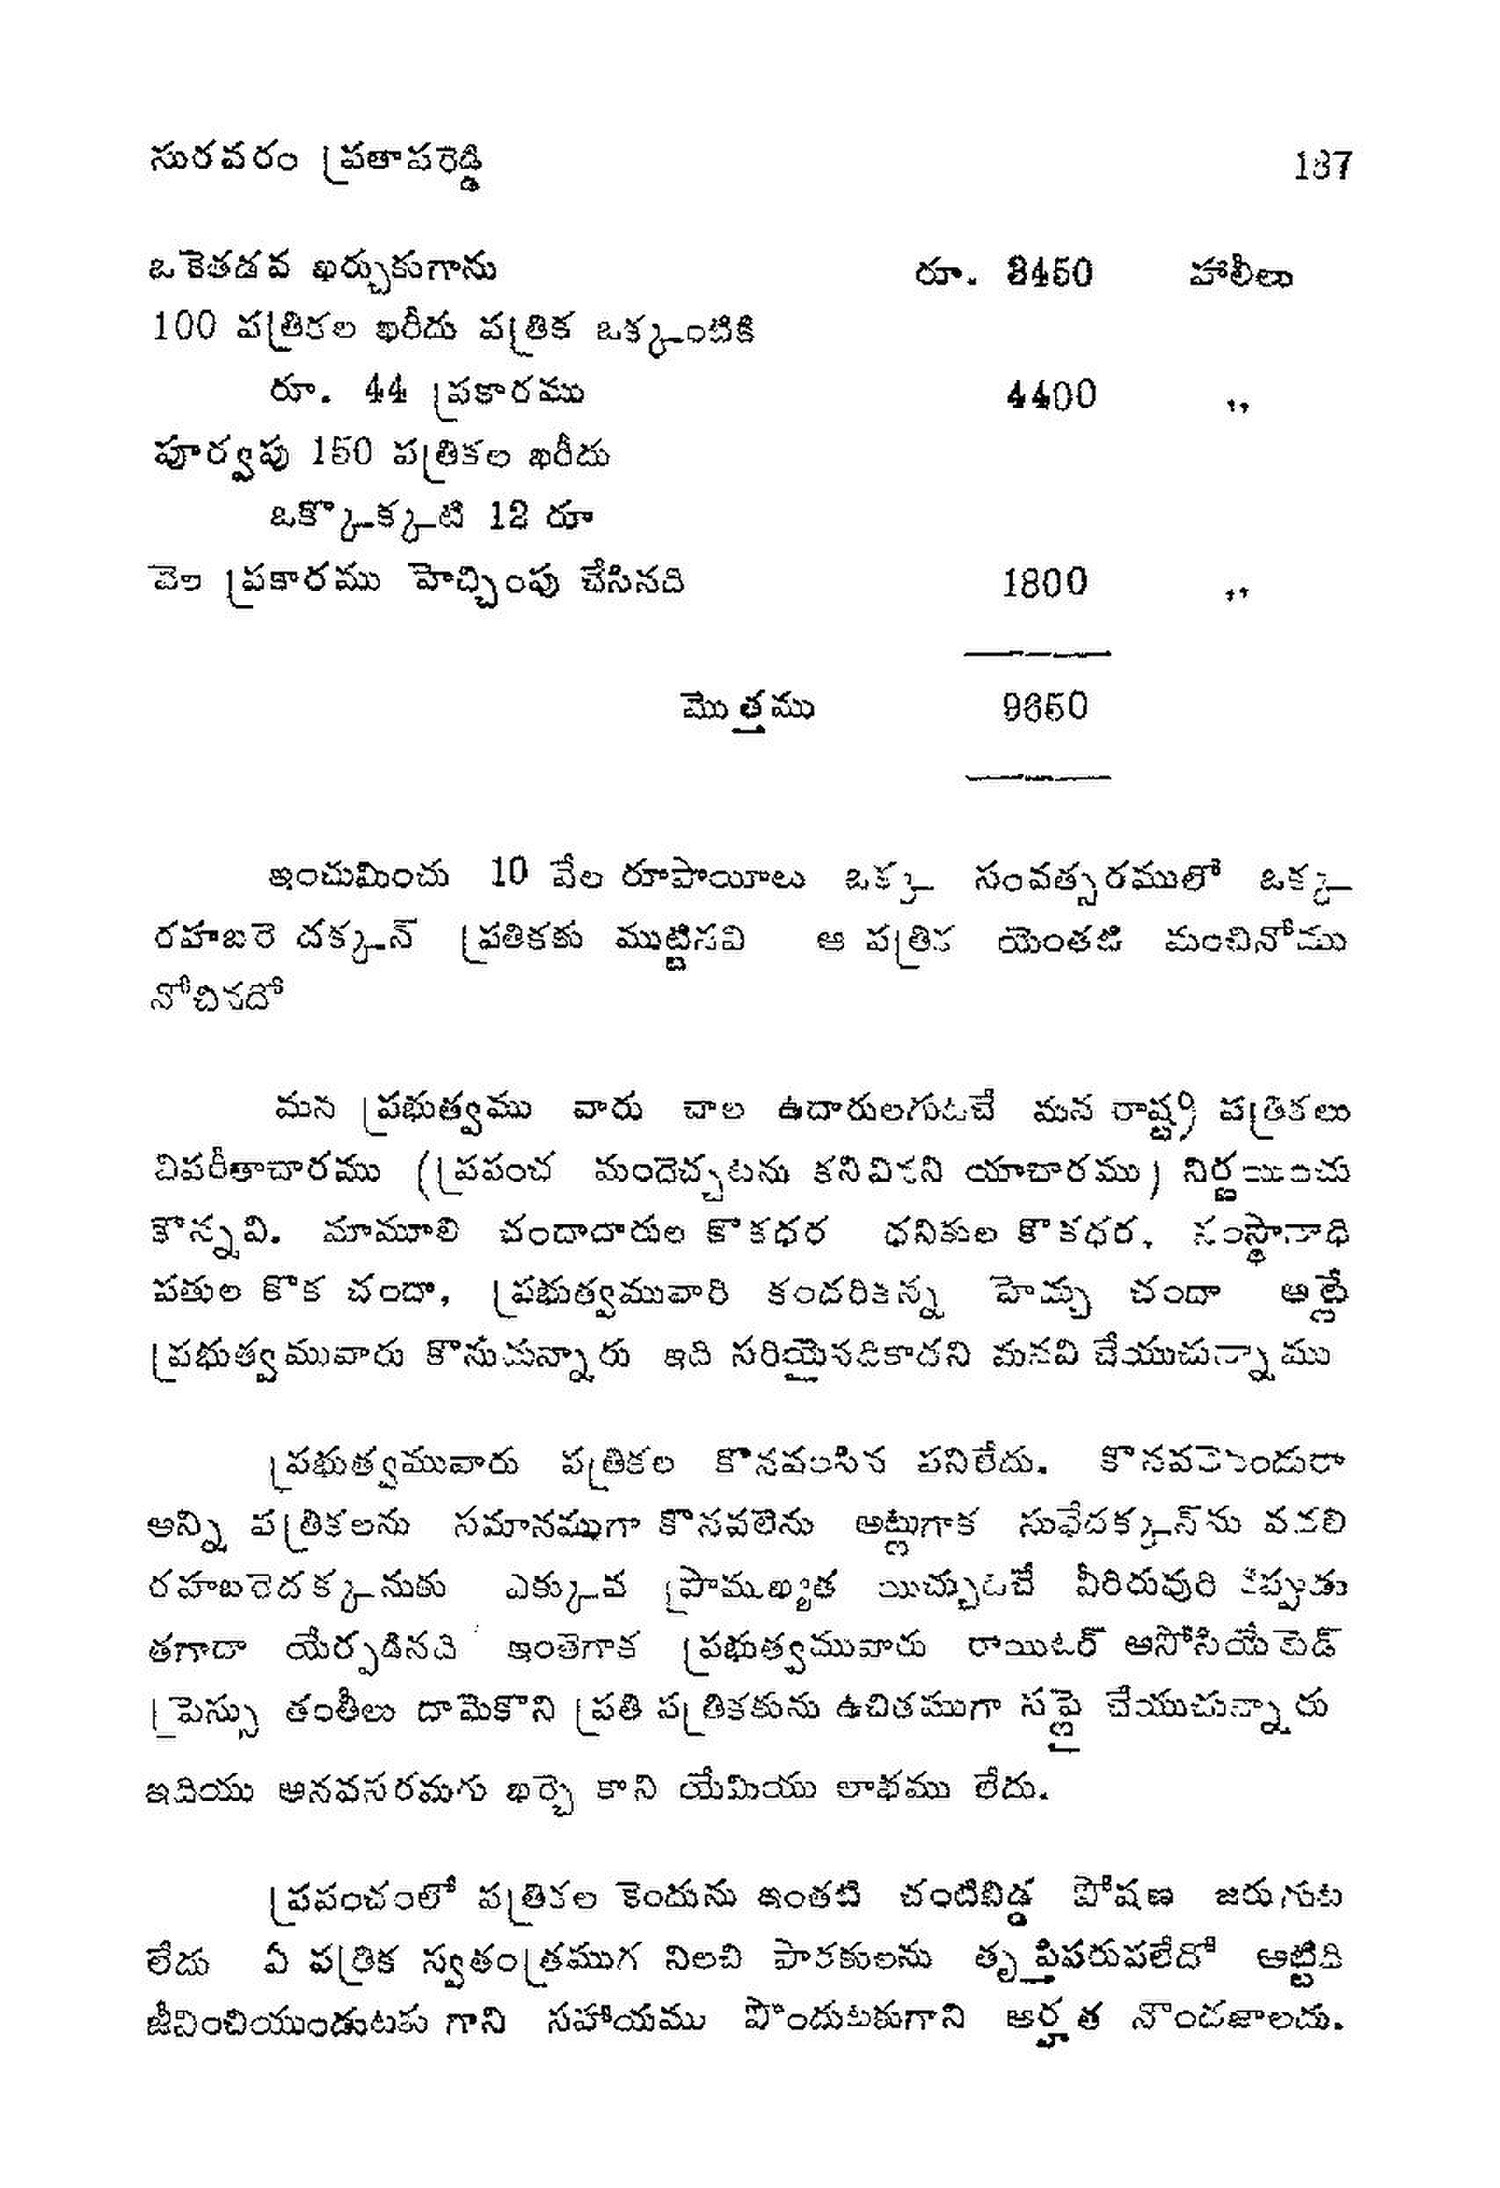ఒకెతడవ ఖర్చుకుగాను రూ. 3450 హాలీలు 100 పత్రికల ఖరీదు పత్రిక ఒక్కంటికి రూ. 44 ప్రకారము 4400 హాలీలు పూర్వపు 150 పత్రికల ఖరీదు ఒక్కొక్కటి 12 రూ వెల ప్రకారము హెచ్చింపు చేసినది 1800 హాలీలు మొత్తము 9650 

ఇంచుమించు 10 వేల రూపాయీలు ఒక్క సంవత్సరములో ఒక్క రహబరె దక్కన్ ప్రతికకు ముట్టినవి ఆ పత్రిక యెంతటి మంచినోము నోచినదో

మన ప్రభుత్వము వారు చాల ఉదారులగుటచే మన రాష్ట్ర పత్రికలు విపరీతాచారము (ప్రపంచ మందెచ్చటను కనివినని యాచారము) నిర్ణయించు కొన్నవి. మామూలి చందాదారుల కొకధర ధనికుల కొకధర, సంస్థానాధిపతుల కొక చందా, ప్రభుత్వమువారి కందరికన్న హెచ్చు చందా అట్లే ప్రభుత్వమువారు కొనుచున్నారు ఇది సరియైనదికాదని మనవి చేయుచున్నాము

ప్రభుత్వమువారు పత్రికల కొనవలసిన పనిలేదు. కొనవలెనందురా అన్ని పత్రికలను సమానముగా కొనవలెను అట్లుగాక సుభేదక్కన్‌ను వదలి రహబరెదక్కనుకు ఎక్కువ ప్రాముఖ్యత యిచ్చుటచే వీరిరువురి కిప్పుడు తగాదా యేర్పడినది ఇంతేగాక ప్రభుత్వమువారు రాయిటర్ ఆసోసియేటెడ్ ప్రెస్సు తంతీలు దామెకొని ప్రతి పత్రికకును ఉచితముగా సప్లై చేయుచున్నారు ఇదియు అనవసరమగు ఖర్చె కాని యేమియు లాభము లేదు.

ప్రపంచంలో పత్రికల కెందును ఇంతటి చంటిబిడ్డ పోషణ జరుగుట లేదు ఏ పత్రిక స్వతంత్రముగ నిలచి పాఠకులను తృప్తిపరుపలేదో అట్టిది జీవించియుండుటకు గాని సహాయము పొందుటకుగాని అర్హత నొందజాలదు.